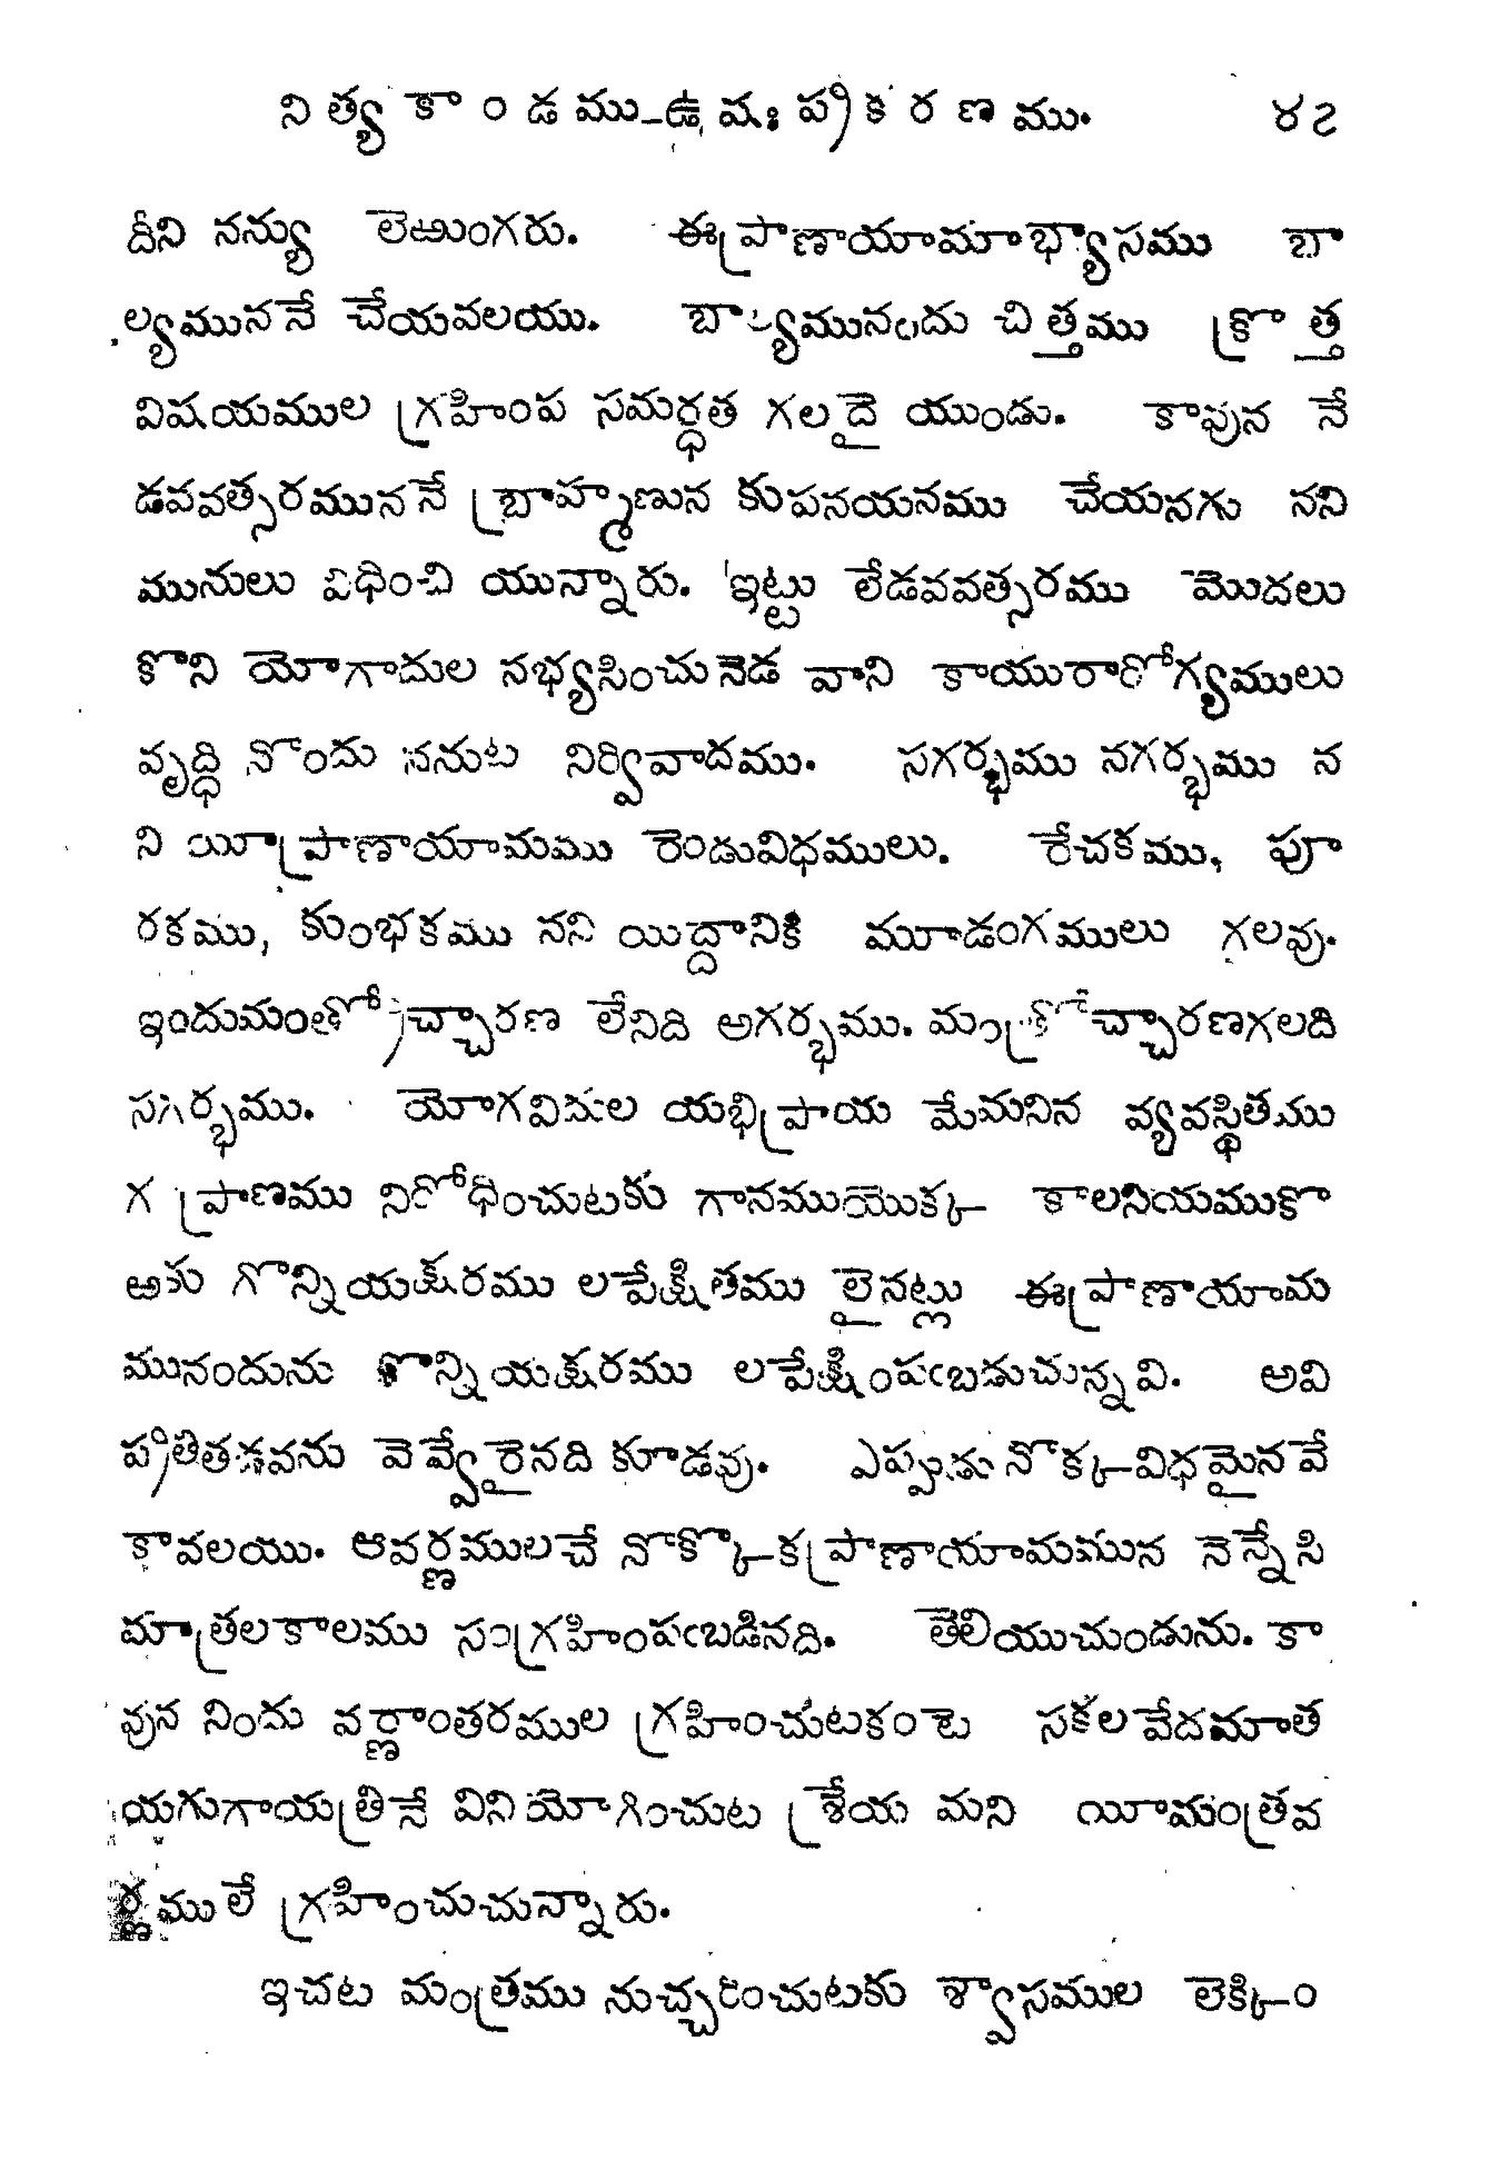దీని నన్యు లెఱుంగరు. ఈప్రాణాయామాభ్యాసము బాల్యముననే చేయవలయు. బాల్యమునందు చిత్తము క్రొత్త విషయముల గ్రహింప సమర్ధత గలదై యుండు. కావున నేడవవత్సరముననే బ్రాహ్మణున కుపనయనము చేయనగు నని మునులు విధించి యున్నారు. 'ఇట్టు లేడవవత్సరము మొదలుకొని యోగాదుల నభ్యసించునెడ వాని కాయురారోగ్యములు వృద్ధి నొందు ననుట నిర్వివాదము. సగర్భము నగర్భము నని యీప్రాణాయామము రెండువిధములు. రేచకము, పూరకము, కుంభకము నని యిద్దానికి మూడంగములు గలవు. ఇందుమంత్రోచ్చారణ లేనిది అగర్భము. మంత్రోచ్చారణగలది సగర్భము. యోగవిదుల యభిప్రాయ మేమనిన వ్యవస్థితముగ ప్రాణము నిరోధించుటకు గానముయొక్క కాలనియముకొఱకు గొన్నియక్షరము లపేక్షితము లైనట్లు ఈప్రాణాయామమునందును కొన్నియక్షరము లపేక్షింపఁబడుచున్నవి. అవి ప్రతితడవను వెవ్వేరైనది కూడవు. ఎప్పుడు నొక్కవిధమైనవే కావలయు. ఆవర్ణములచే నొక్కొకప్రాణాయామమున నెన్నేసి మాత్రలకాలము సంగ్రహింపఁబడినది. తెలియుచుండును. కావున నిందు వర్ణాంతరముల గ్రహించుటకంటె సకలవేదమాతయగుగాయత్రినే వినియోగించుట శ్రేయ మని యీమంత్రవర్ణములే గ్రహించుచున్నారు.

ఇచట మంత్రము నుచ్చరించుటకు శ్వాసముల లెక్కిం